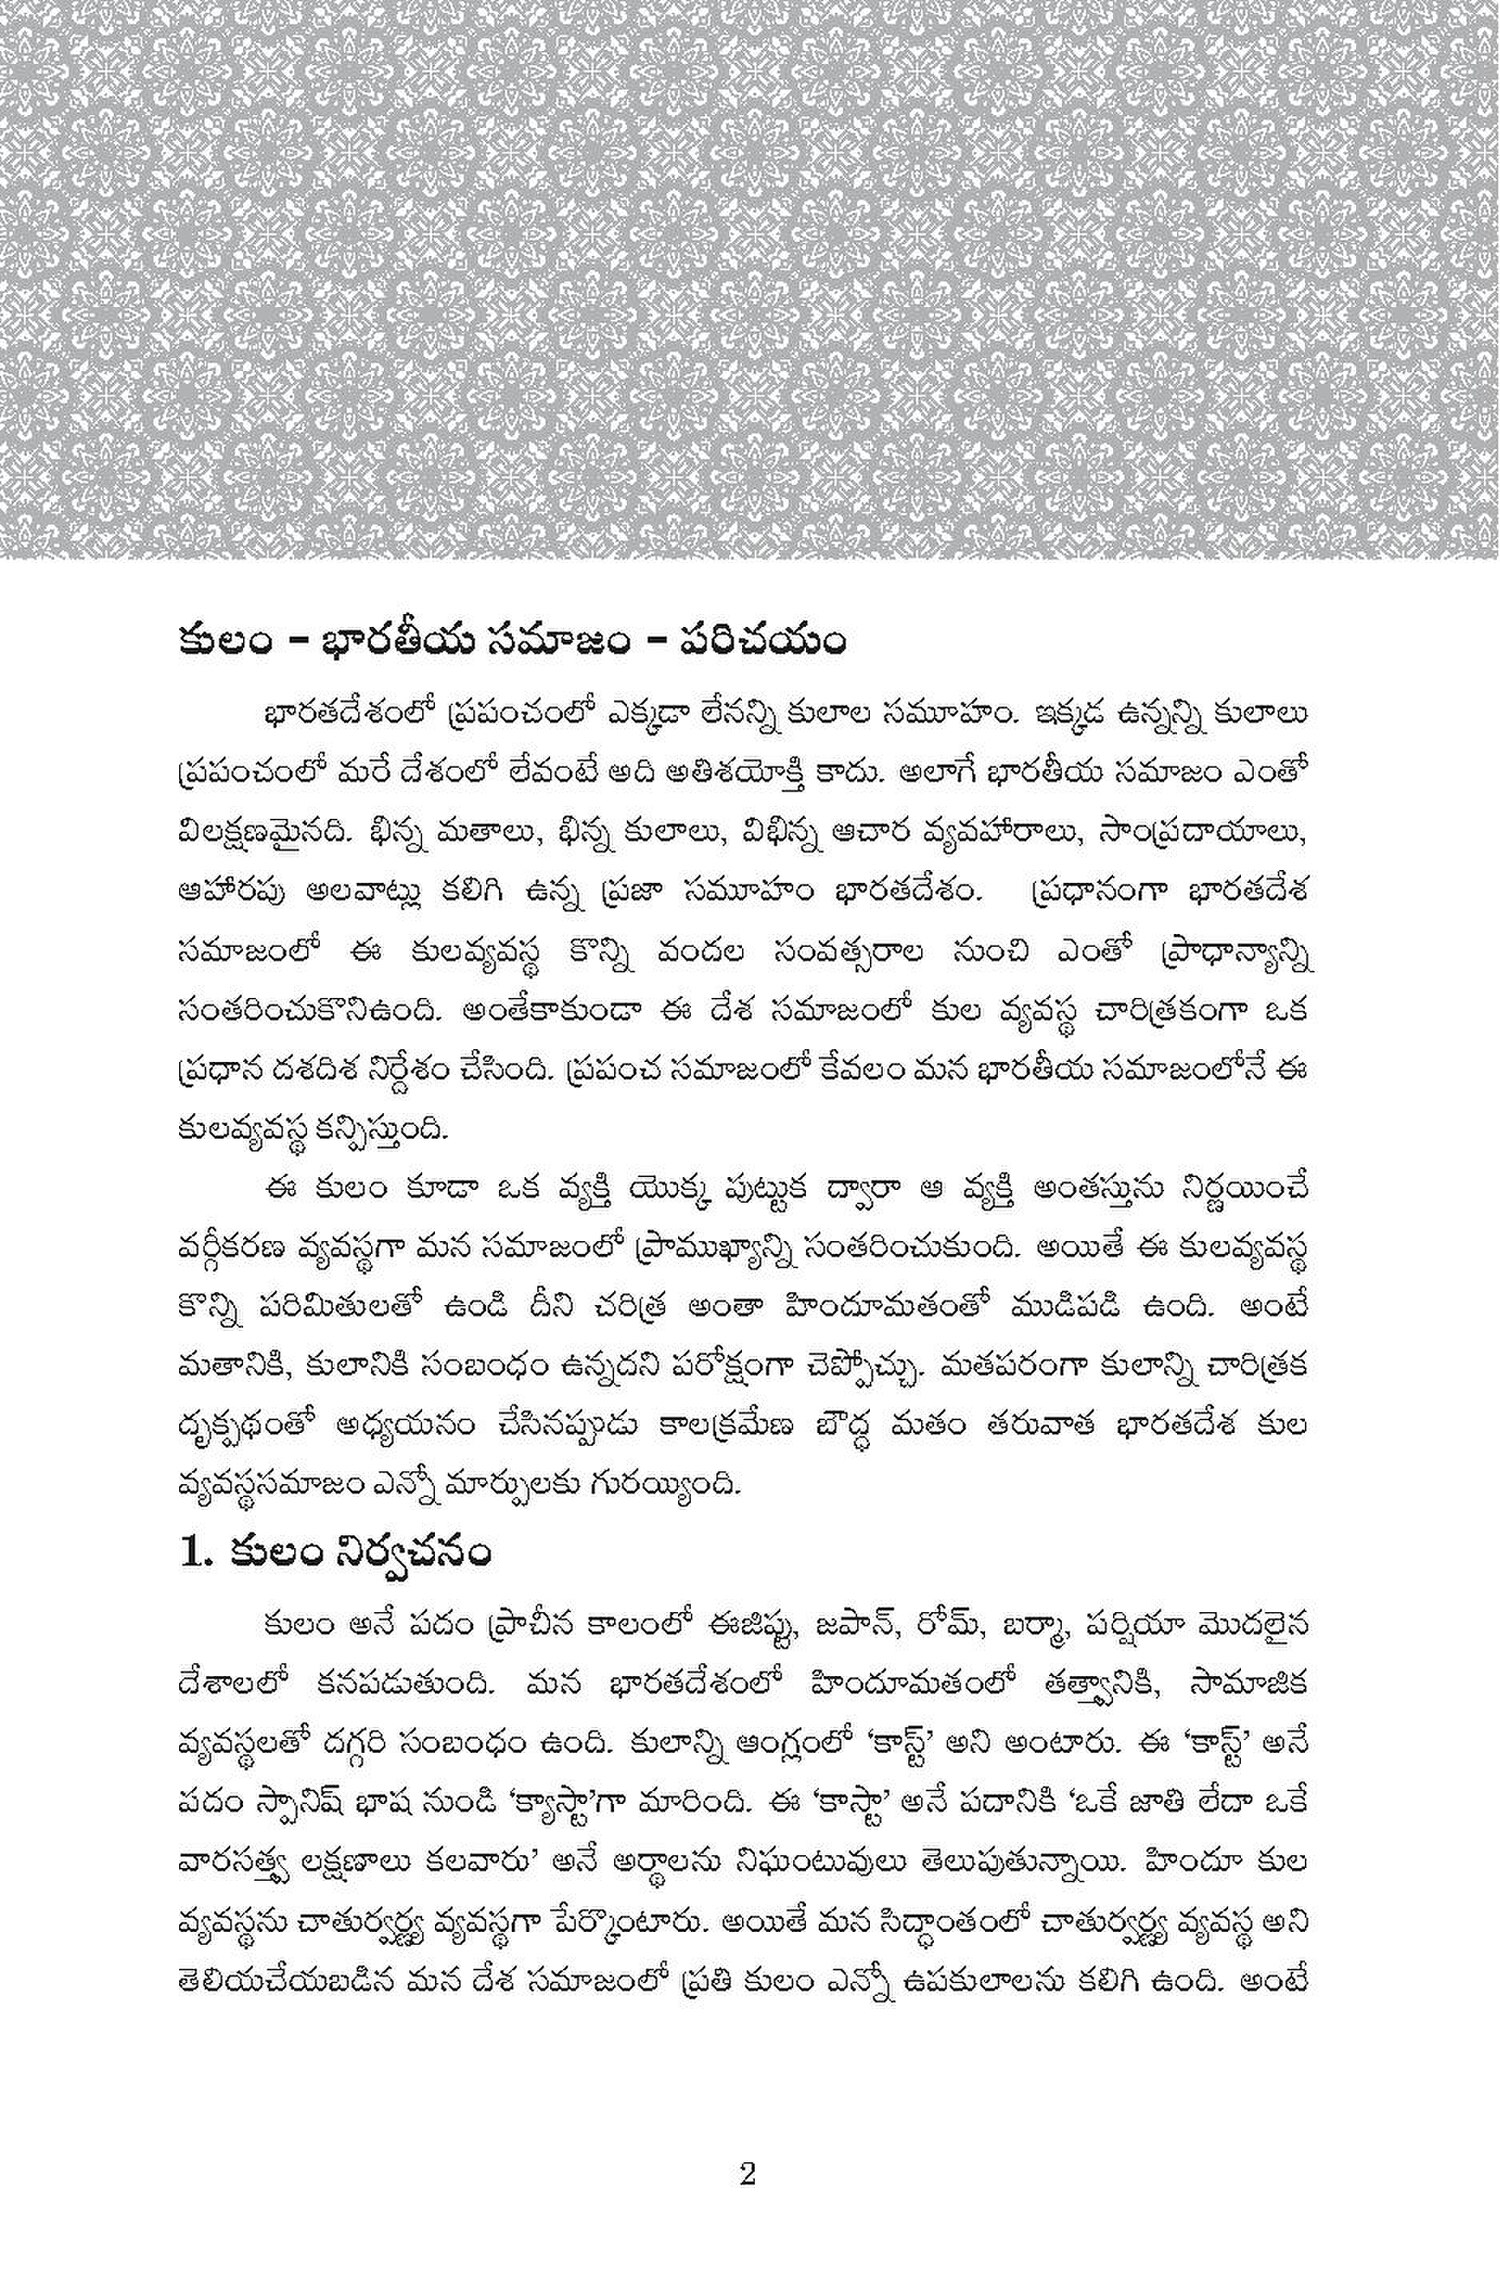కులం - భారతీయ సమాజం - పరిచయం 

భారతదేశంలో ప్రపంచంలో ఎక్కడా లేనన్ని కులాల సమూహం. ఇక్కడ ఉన్నన్ని కులాలు ప్రపంచంలో మరే దేశంలో లేవంటే అది అతిశయోక్తి కాదు. అలాగే భారతీయ సమాజం ఎంతోవిలక్షణమైనది. భిన్న మతాలు, భిన్న కులాలు, విభిన్న ఆచార వ్యవహారాలు, సాంప్రదాయాలు, ఆహారపు అలవాట్లు కలిగి ఉన్న ప్రజా సమూహం భారతదేశం. ప్రధానంగా భారతదేశ సమాజంలో ఈ కులవ్యవస్థ కొన్ని వందల సంవత్సరాల నుంచి ఎంతో ప్రాధాన్యాన్ని సంతరించుకొనిఉంది. అంతేకాకుండా ఈ దేశ సమాజంలో కుల వ్యవస్థ చారిత్రకంగా ఒక ప్రధాన దశదిశ నిర్దేశం చేసింది. ప్రపంచ సమాజంలో కేవలం మన భారతీయ సమాజంలోనే ఈ కులవ్యవస్థ కన్పిస్తుంది.

ఈ కులం కూడా ఒక వ్యక్తి యొక్క పుట్టుక ద్వారా ఆ వ్యక్తి అంతస్తును నిర్ణయించే వర్గీకరణ వ్యవస్థగా మన సమాజంలో ప్రాముఖ్యాన్ని సంతరించుకుంది. అయితే ఈ కులవ్యవస్థ కొన్ని పరిమితులతో ఉండి దీని చరిత్ర అంతా హిందూమతంతో ముడిపడి ఉంది. అంటే మతానికి, కులానికి సంబంధం ఉన్నదని పరోక్షంగా చెప్పోచ్చు. మతపరంగా కులాన్ని చారిత్రక
దృక్పథంతో అధ్యయనం చేసినప్పుడు కాలక్రమేణ బౌద్ధ మతం తరువాత భారతదేశ కుల వ్యవస్థసమాజం ఎన్నో మార్పులకు గురయ్యింది.

1. కులం నిర్వచనం 

కులం అనే పదం ప్రాచీన కాలంలో ఈజిప్టు, జపాన్, రోమ్, బర్మా, పర్షియా మొదలైన దేశాలలో కనపడుతుంది. మన భారతదేశంలో హిందూమతంలో తత్త్వానికి, సామాజిక వ్యవస్థలతో దగ్గరి సంబంధం ఉంది. కులాన్ని ఆంగ్లంలో 'కాస్ట్' అని అంటారు. ఈ 'కాస్ట్' అనే పదం స్పానిష్ భాష నుండి 'క్యాస్టా'గా మారింది. ఈ 'కాస్టా' అనే పదానికి 'ఒకే జాతి లేదా ఒకే
వారసత్త్వ లక్షణాలు కలవారు' అనే అర్థాలను నిఘంటువులు తెలుపుతున్నాయి. హిందూ కుల వ్యవస్థను చాతుర్వర్ణ్య వ్యవస్థగా పేర్కొంటారు. అయితే మన సిద్ధాంతంలో చాతుర్వర్ణ్య వ్యవస్థ అని తెలియచేయబడిన మన దేశ సమాజంలో ప్రతి కులం ఎన్నో ఉపకులాలను కలిగి ఉంది. అంటే